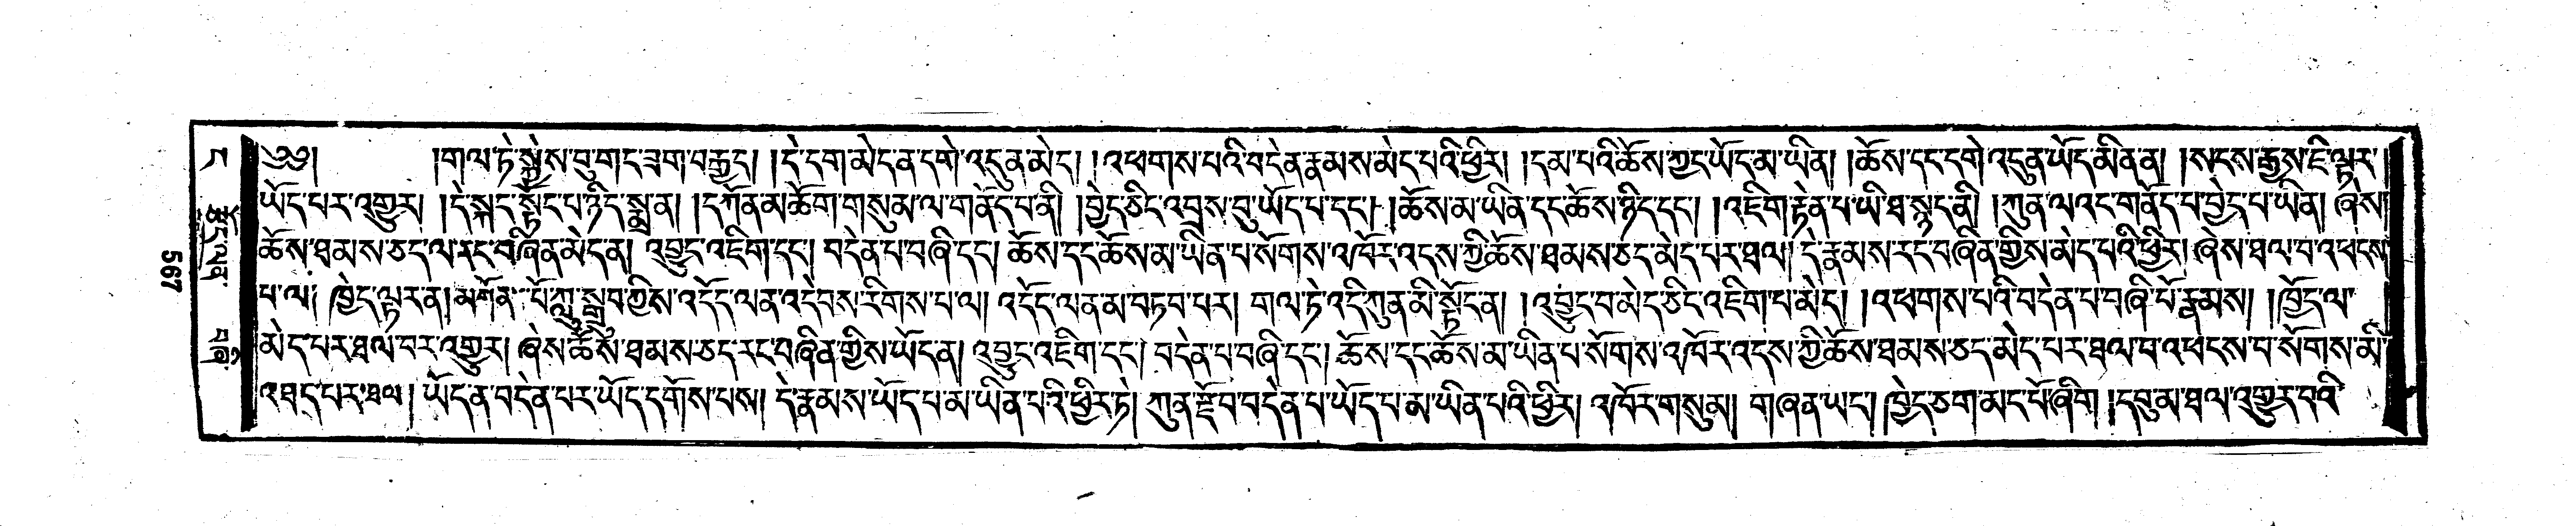༄༅། །གལ་ཏེ་སྐྱེས་བུ་གང་ཟག་བརྒྱད། །དེ་དག་མེད་ན་དགེ་འདུན་མེད། །འཕགས་པའི་བདེན་རྣམས་མེད་པའི་ཕྱིར། །དམ་པའི་ཆོས་ཀྱང་ཡོད་མ་ཡིན། །ཆོས་དང་དགེ་འདུན་ཡོད་མིན་ན། །སངས་རྒྱས་ཇི་ལྟར་
ཡོད་པར་འགྱུར། །དེ་སྐད་སྟོང་པ་ཉིད་སྨྲ་ན། །དཀོན་མཆོག་གསུམ་ལ་གནོད་པ་ནི། །བྱེད་ཅིང་འབྲས་བུ་ཡོད་པ་དང་། །ཆོས་མ་ཡིན་དང་ཆོས་ཉིད་དང་། །འཇིག་རྟེན་པ་ཡི་ཐ་སྙད་ནི། །ཀུན་ལའང་གནོད་པ་བྱེད་པ་ཡིན། ཞེས་
ཆོས་ཐམས་ཅད་ལ་རང་བཞིན་མེད་ན། འབྱུང་འཇིག་དང་། བདེན་པ་བཞི་དང་། ཆོས་དང་ཆོས་མ་ཡིན་པ་སོགས་འཁོར་འདས་ཀྱི་ཆོས་ཐམས་ཅད་མེད་པར་ཐལ། དེ་རྣམས་རང་བཞིན་གྱིས་མེད་པའི་ཕྱིར། ཞེས་ཐལ་བ་འཕངས་
པ་ལ། ཁྱེད་ལྟར་ན། མགོན་པོ་ཀླུ་སྒྲུབ་ཀྱིས་འདོད་ལན་འདེབས་རིགས་པ་ལ། འདོད་ལན་མ་བཏབ་པར། གལ་ཏེ་འདི་ཀུན་མི་སྟོང་ན། །འབྱུང་བ་མེད་ཅིང་འཇིག་པ་མེད། །འཕགས་པའི་བདེན་པ་བཞི་པོ་རྣམས། །ཁྱོད་ལ་
མེད་པར་ཐལ་བར་འགྱུར། ཞེས་ཆོས་ཐམས་ཅད་རང་བཞིན་གྱིས་ཡོད་ན། འབྱུང་འཇིག་དང་། བདེན་པ་བཞི་དང་། ཆོས་དང་ཆོས་མ་ཡིན་པ་སོགས་འཁོར་འདས་ཀྱི་ཆོས་ཐམས་ཅད་མེད་པར་ཐལ་བ་འཕངས་པ་སོགས་མི་
འཐད་པར་ཐལ། ཡོད་ན་བདེན་པར་ཡོད་དགོས་པས། དེ་རྣམས་ཡོད་པ་མ་ཡིན་པའི་ཕྱིར་ཏེ། ཀུན་རྫོབ་བདེན་པ་ཡོད་པ་མ་ཡིན་པའི་ཕྱིར། འཁོར་གསུམ། གཞན་ཡང་། ཁྱེད་ཅག་མང་པོ་ཞིག །དབུ་མ་ཐལ་འགྱུར་བའི་